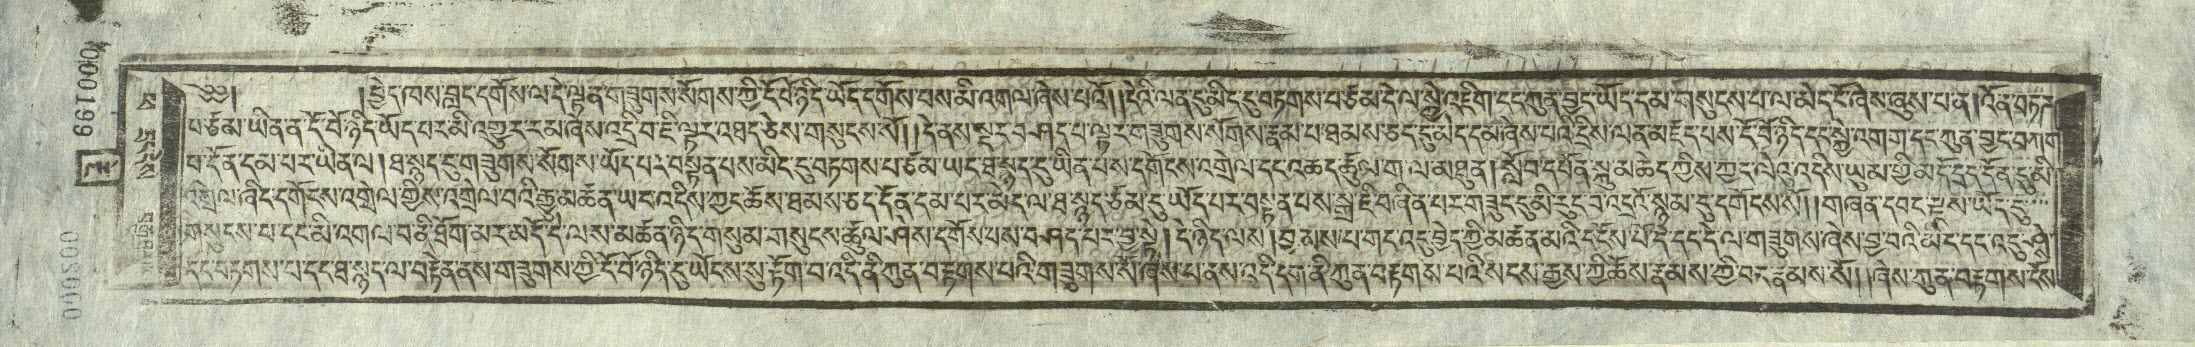༄༅། །བྱེད་ཁས་བླངས་དགོས་ལ་དེ་ལྟ་ན་གཟུགས་སོགས་ཀྱི་ངོ་བོ་ཉིད་ཡོད་དགོས་པས་མི་འགལ་ཞེས་པའོ། །དེའི་ལན་དུ་མིང་དུ་བཏགས་པ་ཙམ་དེ་ལ་སྐྱེ་འཇིག་དང་ཀུན་བྱང་ཡོད་དམ་གསུངས་པ་ལ་མེད་དོ་ཞེས་ཞུས་པ་ན། འོ་ན་བཏགས་
པ་ཙམ་ཡིན་ན་ངོ་བོ་ཉིད་ཡོད་པར་མི་འགྱུར་རམ་ཞེས་འདྲི་བ་ཇི་ལྟར་འཐད་ཅེས་གསུངས་སོ། །དེ་ནས་སྔར་བཤད་པ་ལྟར་གཟུགས་སོགས་རྣམ་པ་ཐམས་ཅད་དུ་མེད་དམ་ཞེས་པའི་དྲིས་ལན་མཛད་པས་ངོ་བོ་ཉིད་དང་སྐྱེ་འགག་དང་ཀུན་བྱང་བཀག་
པ་དོན་དམ་པར་ཡིན་ལ། ཐ་སྙད་དུ་གཟུགས་སོགས་ཡོད་པར་བསྟན་པས་མིང་དུ་བཏགས་པ་ཙམ་ཡང་ཐ་སྙད་དུ་ཡིན་པས་དགོངས་འགྲེལ་དང་འཆད་ཚུལ་ག་ལ་མཐུན། སློབ་དཔོན་སྐུ་མཆེད་ཀྱིས་ཀྱང་ལེའུ་འདིས་ཡུམ་གྱི་མདོ་དྲང་དོན་དུ་མི་
འགྲེལ་ཞིང་དགོངས་འགྲེལ་གྱིས་འགྲེལ་བའི་རྒྱུ་མཚན་ཡང་འདིས་ཀྱང་ཆོས་ཐམས་ཅད་དོན་དམ་པར་མེད་ལ་ཐ་སྙད་ཙམ་དུ་ཡོད་པར་བསྟན་པས་སྒྲ་ཇི་བཞིན་པར་གཟུང་དུ་མི་རུང་བ་འདྲའོ་སྙམ་དུ་དགོངས་སོ། །གཞན་དབང་རྫས་ཡོད་དུ་
གསུངས་པ་དང་མི་འགལ་བ་ནི་ཐོག་མར་མདོ་དེ་ལས་མཚན་ཉིད་གསུམ་གསུངས་ཚུལ་ཤེས་དགོས་པས་བཤད་པར་བྱ་སྟེ། དེ་ཉིད་ལས། བྱམས་པ་གང་འདུ་བྱེད་ཀྱི་མཚན་མའི་དངོས་པོ་དེ་དང་དེ་ལ་གཟུགས་ཞེས་བྱ་བའི་མིང་དང་འདུ་ཤེས་
དང་བཏགས་པ་དང་ཐ་སྙད་ལ་བརྟེན་ནས་གཟུགས་ཀྱི་ངོ་བོ་ཉིད་དུ་ཡོངས་སུ་རྟོག་པ་འདི་ནི་ཀུན་བརྟགས་པའི་གཟུགས་སོ་ཞེས་པ་ནས་འདི་དག་ནི་ཀུན་བརྟགས་པའི་སངས་རྒྱས་ཀྱི་ཆོས་རྣམས་ཀྱི་བར་རྣམས་སོ། །ཞེས་ཀུན་བརྟགས་ངོས་